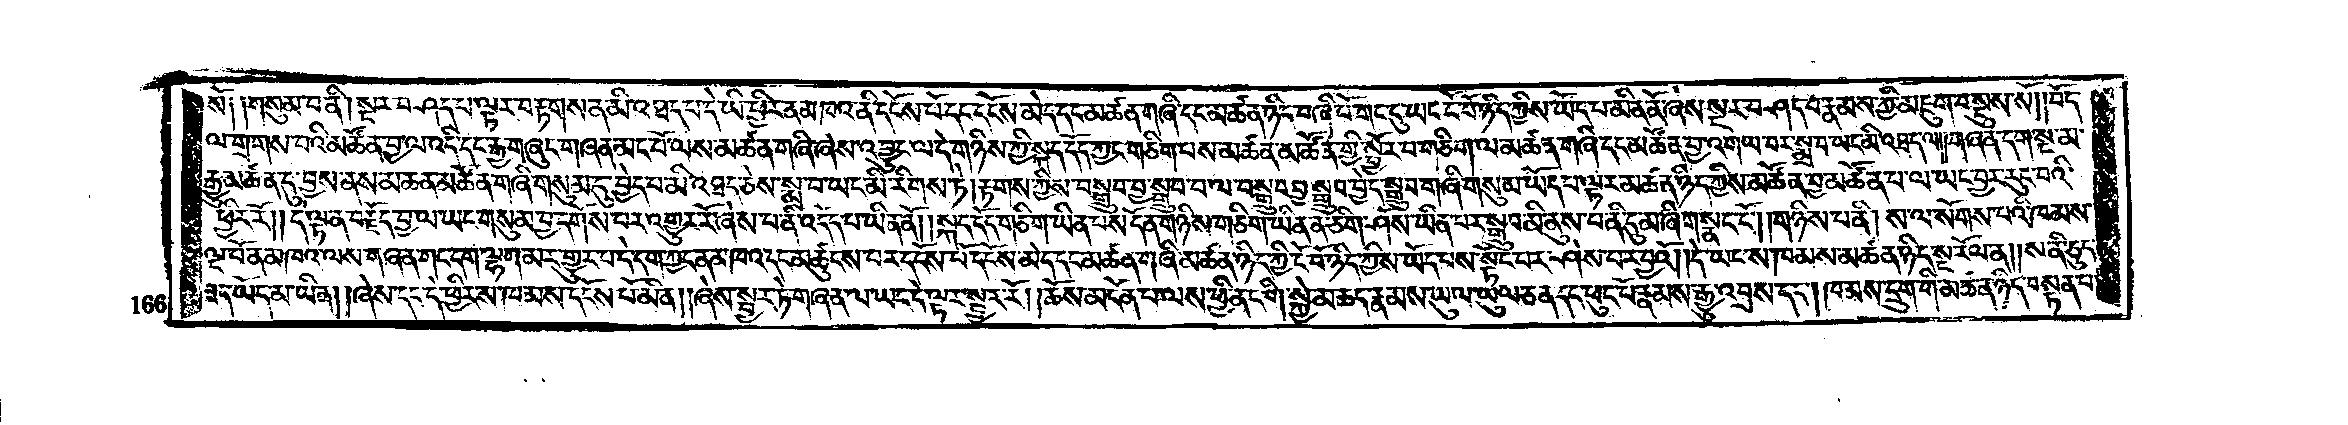སོ། །གསུམ་པ་ནི། སྔར་བཤད་པ་ལྟར་བརྟགས་ན་མི་འཐད་པ་དེ་ཡི་ཕྱིར་ནམཁའ་ནི་དངོས་པོ་དང་དངོས་མེད་དང་མཚན་གཞི་དང་མཚན་ཉིད་བཞི་པོ་གང་དུ་ཡང་ངོ་བོ་ཉིད་ཀྱིས་ཡོད་པ་མིན་ནོ་ཞེས་སྔར་བཤད་པ་རྣམས་ཀྱི་མཇུག་བསྡུས་སོ། །བོད་
ལ་གྲགས་པའི་མཚོན་བྱ་ལ་འདི་དང་རྒྱ་གཞུང་གཞན་མང་པོ་ལས་མཆན་གཞི་ཞེས་འབྱུང་ལ་དེ་གཉིས་ཀྱི་སྐད་དོད་ཀྱང་གཅིག་པས་མཚན་མཚོན་གྱི་སྦྱོར་བ་གཅིག་ལ་མཚན་གཞི་དང་མཚོན་བྱ་འགལ་བར་སྨྲ་བ་ཡང་མི་འཐད་ལ། །གཞན་དག་སྔ་མ་
རྒྱུ་མཚན་དུ་བྱས་ནས་མཚན་མཚོན་གཞི་གསུམ་དུ་བྱེད་པ་མི་འཐད་ཅེས་སྨྲ་བ་ཡང་མི་རིགས་ཏེ། རྟགས་ཀྱིས་བསྒྲུབ་བྱ་སྒྲུབ་པ་ལ་བསྒྲུབ་བྱ་སྒྲུབ་བྱེད་སྒྲུབ་གཞི་གསུམ་ཡོད་པ་ལྟར་མཚན་ཉིད་ཀྱིས་མཚོན་བྱ་མཚོན་པ་ལ་ཡང་བྱར་རུང་བའི་
ཕྱིར་རོ། །དེ་ལྟ་ན་བརྗོད་བྱ་ལ་ཡང་གསུམ་བྱ་དགོས་པར་འགྱུར་རོ་ཞེས་པ་ནི་འདོད་པ་ཡིན་ནོ། །སྐད་དོད་གཅིག་ཡིན་པས་དོན་གཉིས་གཅིག་ཡིན་ན་ཅིག་ཤོས་ཡིན་པར་སྒྲུབ་མི་ནུས་པ་ནི་དུ་མ་ཞིག་སྣང་ངོ། །གཉིས་པ་ནི། ས་ལ་སོགས་པའི་ཁམས་
ལྔ་པོ་ནམཁའ་ལས་གཞན་གང་དག་ལྷག་མར་གྱུར་པ་དེ་དག་ཀྱང་ནམཁའ་དང་མཚུངས་པར་དངོས་པོ་དངོས་མེད་དང་མཚན་གཞི་མཚན་ཉིད་ཀྱི་ངོ་བོ་ཉིད་ཀྱིས་ཡོད་པས་སྟོང་པར་ཤེས་པར་བྱའོ། །དེ་ཡང་ས་ཁམས་མཚན་ཉིད་སྔ་རོལ་ན། །ས་ནི་ཅུང་
ཟད་ཡོད་མ་ཡིན། །ཞེས་དང་དེ་ཕྱིར་ས་ཁམས་དངོས་པོ་མིན། །ཞེས་སྦྱར་ཏེ་གཞན་ལ་ཡང་དེ་ལྟར་སྦྱར་རོ། །ཆོས་མངོན་པ་ལས་ཕྱི་ནང་གི་སྐྱེ་མཆད་རྣམས་ཡུལ་ཡུལ་ཅན་དང་ཕུང་པོ་རྣམས་རྒྱུ་འབྲས་དང་། ཁམས་དྲུག་གི་མཚན་ཉིད་བསྟན་པ་